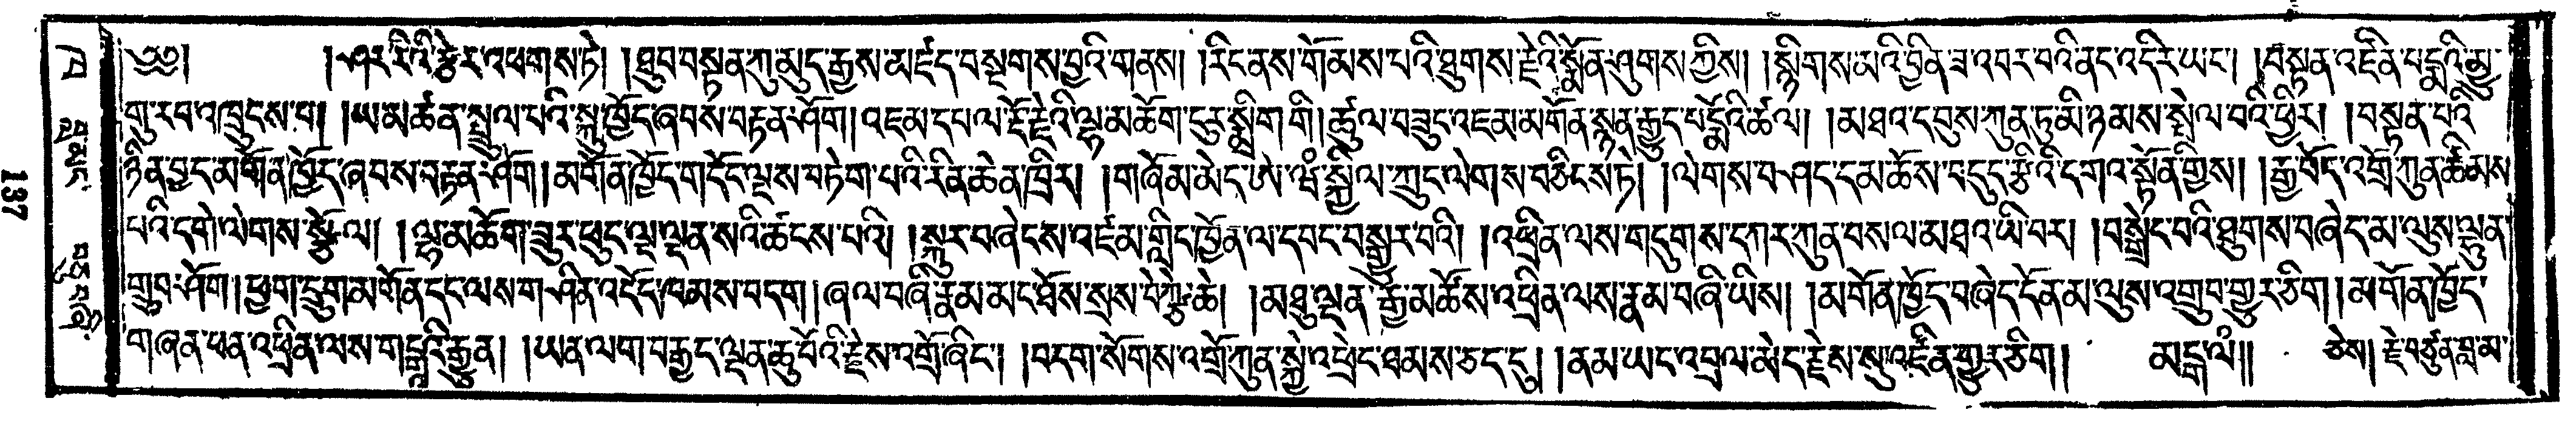༄༅། །ཤར་རིའི་རྩེར་འཕགས་ཏེ། །ཐུབ་བསྟན་ཀུ་མུད་རྒྱས་མཛད་བསྔགས་བྱའི་གནས། །རིང་ནས་གོམས་པའི་ཐུགས་རྗེའི་སྨོན་ཤུགས་ཀྱིས། །སྙིགས་མའི་བྱིན་ཟ་འབར་བའི་ནང་འདིར་ཡང་། །བསྟན་འཛིན་པདམའི་མྱུ་
གུ་རབ་འཁྲུངས་པ། །ཡ་མཚན་སྤྲུལ་པའི་སྐུ་ཁྱོད་ཞབས་བརྟན་ཤོག །འཇམ་དཔལ་རྡོ་རྗེའི་ལྷ་མཆོག་དུར་སྨྲིག་གི། ཚུལ་བཟུང་འཇམ་མགོན་སྙན་རྒྱུད་པདམོའི་ཚལ། །མཐའ་དབུས་ཀུན་ཏུ་མི་ཉམས་སྤེལ་བའི་ཕྱིར། །བསྟན་པའི་
ཉིན་བྱད་མགོན་ཁྱོད་ཞབས་བརྟན་ཤོག །མགོན་ཁྱོད་གདོང་ལྔས་བཏེག་པའི་རིན་ཆེན་ཁྲིར། །གཞོམ་མེད་ཨེ་ཝཾ་སྐྱིལ་ཀྲུང་ལེགས་བཅིངས་ཏེ། །ལེགས་བཤད་དམ་ཆོས་བདུད་རྩིའི་དགའ་སྟོན་གྱིས། །རྒྱ་བོད་འགྲོ་ཀུན་ཚིམས་
པའི་དགེ་ལེགས་སྩོལ། །ལྷ་མཆོག་ཟུར་ཕུང་ལྔ་ལྡན་སའི་ཚངས་པའི། །སྐུར་བཞེངས་འཛམ་གླིང་ཁྱོན་ལ་དབང་བསྒྱུར་བའི། །འཕྲིན་ལས་གདུགས་དཀར་ཀུན་བསལ་མཐའ་ཡི་བར། །བསྒྲེང་བའི་ཐུགས་བཞེད་མ་ལུས་ལྷུན་
གྲུབ་ཤོག །ཕྱག་དྲུག་མགོན་དང་ལས་གཤིན་འདོད་ཁམས་བདག །ཞལ་བཞི་རྣམ་མང་ཐོས་སྲས་བེཀྩེ་ཆེ། །མཐུ་ལྡན་རྒྱ་མཚོས་འཕྲིན་ལས་རྣམ་བཞི་ཡིས། །མགོན་ཁྱོད་བཞེད་དོན་མ་ལུས་འགྲུབ་གྱུར་ཅིག །མགོན་ཁྱོད་
གཞན་ཕན་འཕྲིན་ལས་གངྒཱའི་རྒྱུན། །ཡན་ལག་བརྒྱད་ལྡན་ཆུ་བོའི་རྗེས་འགྲོ་ཞིང་། །བདག་སོགས་འགྲོ་ཀུན་སྐྱེ་འཕྲེང་ཐམས་ཅད་དུ། །ནམ་ཡང་འབྲལ་མེད་རྗེས་སུ་འཛིན་གྱུར་ཅིག། མངྒ་ལཾ།། ཅེས། རྗེ་བཙུན་བླ་མ་